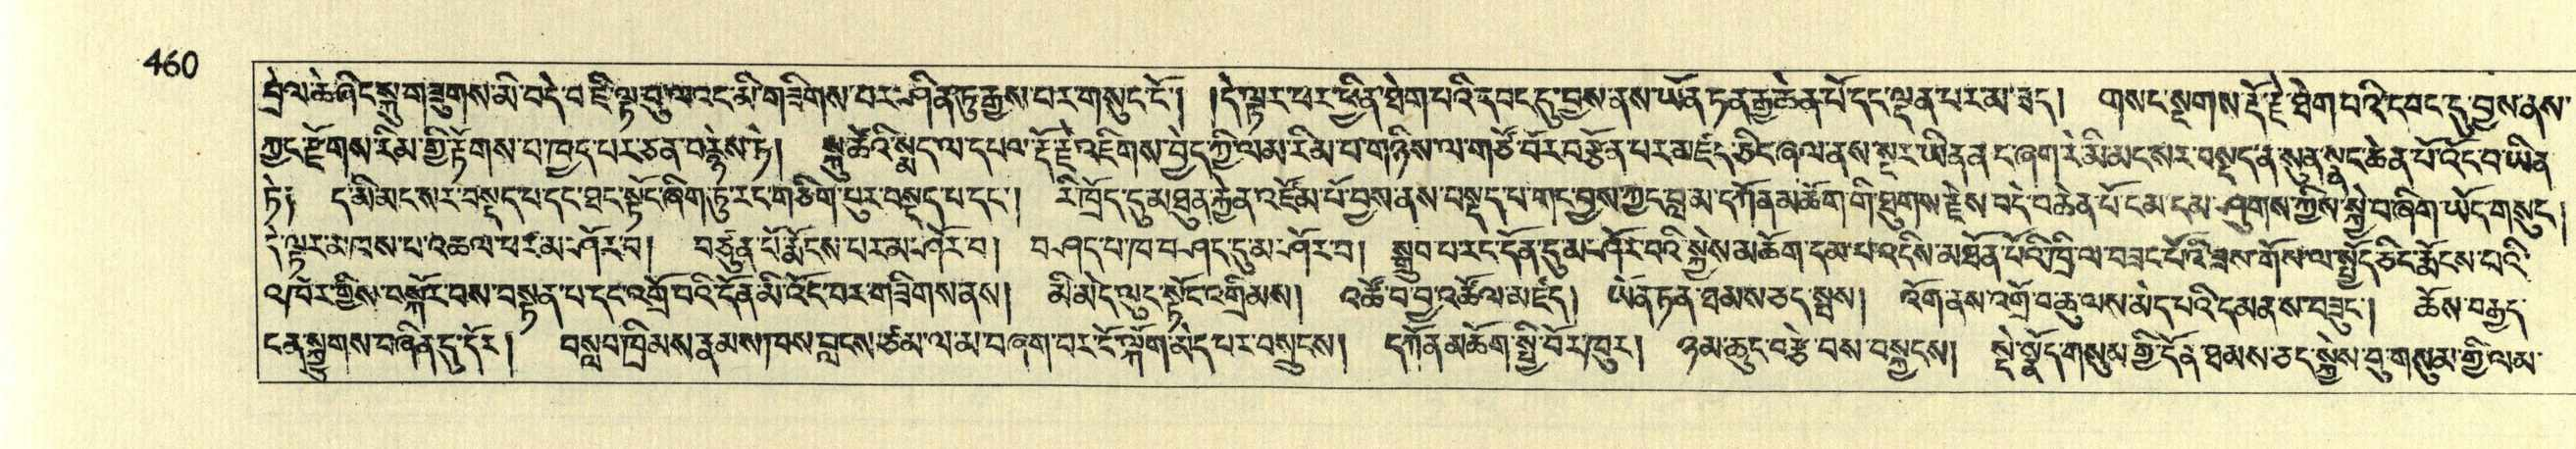བྲེལ་ཆེ་ཞིང་སྐུ་གཟུགས་མི་བདེ་བ་ཇི་ལྟ་བུ་ལའང་མི་གཟིགས་བར་ཤིན་ཏུ་རྒྱས་པར་གསུང་ངོ། །དེ་ལྟར་ཕར་ཕྱིན་ཐེག་པའི་དབང་དུ་བྱས་ནས་ཡོན་ཏན་རྒྱ་ཆེན་པོ་དང་ལྡན་པར་མ་ཟད། གསང་སྔགས་རྡོ་རྗེ་ཐེག་པའི་དབང་དུ་བྱས་ནས་
ཀྱང་རྫོགས་རིམ་གྱི་རྟོགས་པ་ཁྱད་པར་ཅན་བརྙེས་ཏེ། སྐུ་ཚེའི་སྨད་ལ་དཔལ་རྡོ་རྗེ་འཇིགས་བྱེད་ཀྱི་ལམ་རིམ་པ་གཉིས་ལ་གཙོ་བོར་བརྩོན་པར་མཛད་ཅིང་ཞལ་ནས་སྔར་གྱིན་ནང་ཞག་རེ་མི་མང་སར་བསྡད་ན་སུན་སྣང་ཆེན་པོ་འོང་བ་ཡིན་
ཏེ༑ ད་མི་མང་སར་བསྡད་པ་དང་ཐང་སྟོང་ཞིག་ཏུ་རང་གཅིག་པུར་བསྡད་པ་དང་། རི་ཁྲོད་དུ་མཐུན་རྐྱེན་འཛོམ་པོ་བྱས་ནས་བསྡད་པ་གང་བྱས་ཀྱང་བླ་མ་དཀོན་མཆོག་གི་ཐུགས་རྗེས་བདེ་བ་ཆེན་པོ་ངམ་དམ་ཤུགས་ཀྱིས་སྐྱེ་བ་ཞིག་ཡོད་གསུང་།
དེ་ལྟར་མཁས་པ་འཆལ་ཕར་མ་ཤོར་བ། བཙུན་པོ་རྨོངས་པར་མ་ཤོར་བ། བཤད་པ་ཁ་བཤད་དུ་མ་ཤོར་བ། སྒྲུབ་པ་རང་དོན་དུ་མ་ཤོར་བའི་སྐྱེས་མཆོག་དམ་པ་འདིས་མཐོན་པོའི་ཁྲི་ལ་བཟང་པོའི་ཟས་གསོལ་སྤྱིད་ཅིང་རྨོངས་པའི་
འཁོར་གྱིས་བསྐོར་བས་བསྟན་པ་དང་འགྲོ་བའི་དོན་མི་འོང་བར་གཟིགས་ནས། མི་མེད་ལུང་སྟོང་འགྲིམས། འཚོ་བ་བྱ་འཚོལ་མཛད། ཡོན་ཏན་ཐམས་ཅད་སྦས། འོག་ནས་འགྲོ་བ་ཆུ་ལས་མེད་པའི་དམན་ས་བཟུང་། ཆོས་བརྒྱད་
ངན་སྐྱུགས་བཞིན་དུ་དོར། བསླབ་ཁྲིམས་རྣམས་ཁས་བླངས་ཙམ་ལ་མ་བཞག་བར་ངོ་ལྐོག་མེད་པར་བསྲུངས། དཀོན་མཆོག་སྤྱི་བོར་ཁུར། ཉམ་ཆུང་བརྩེ་བས་བསྐྱངས། སྡེ་སྣོད་གསུམ་གྱི་དོན་ཐམས་ཅད་སྐྱེས་བུ་གསུམ་གྱི་ལམ་